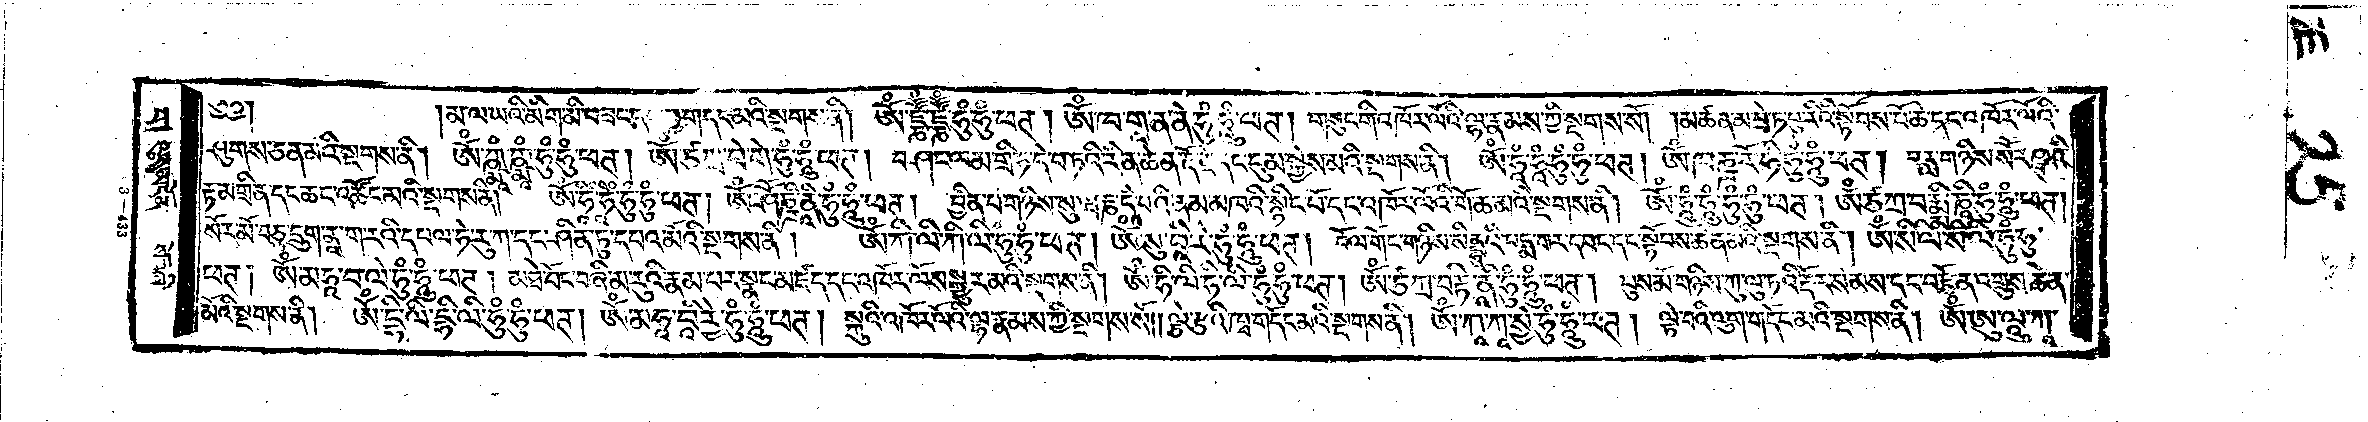༄༅། །མ་ལ་ཡའི་མིག་མི་བཟང་དང་ཕྱག་དང་མའི་སྔགས་ནི། ཨོཾ་ཛྞཽཨོཾ་ཛྞཽཨོཾ་ཧུཾ་ཧུཾ་ཕཊ། ཨོཾ་ཁ་གཱ་ན་ནེ་ཧུཾ་ཧཱུཾ་ཕཊ། གསུང་གི་འཁོར་ལོའི་ལྷ་རྣམས་ཀྱི་སྔགས་སོ། །མཚན་མ་པྲེ་ཏ་པུ་རིའི་སྟོབས་པོ་ཆེ་དང་འཁོར་ལོའི་
ཤུགས་ཅན་མའི་སྔགས་ནི། ཨོཾ་ཀྵྨཱཾ་ཀྵྨཱཾ་ཧུཾ་ཧུཾ་ཕཊ། ཨོཾ་ཙཀྲ་བེ་གེ་ཧུཾ་ཧཱུཾ་ཕཊ། བཤང་ལམ་གྲི་ཏ་དེ་བ་ཏའི་རིན་ཆེན་རྡོ་རྗེ་དང་དུམ་སྐྱེས་མའི་སྔགས་ནི། ཨོཾ་ཧཱཾ་ཧཱཾ་ཧུཾ་ཧུཾ་ཕཊ། ཨོཾ་ཁཎྜ་རོ་ཧི་ཧུཾ་ཧཱུཾ་ཕཊ། བརླ་གཉིས་སཽར་ཥྚའི་
རྟ་མགྲིན་དང་ཆང་འཚོང་མའི་སྔགས་ནི། ཨོཾ་ཧཱིཾ་ཧཱིཾ་ཧུཾ་ཧུཾ་ཕཊ། ཨོཾ་ཤཽཎྜི་ནཱི་ཧུཾ་ཧཱུཾ་ཕཊ། བྱིན་པ་གཉིས་སུ་ཝརྞ་དཱི་པའི་ནམ་མཁའི་སྙིང་པོ་དང་འཁོར་ལོའི་གོ་ཆ་མའི་སྔགས་ནི། ཨོཾ་ཧཱུཾ་ཧཱུཾ་ཧུཾ་ཧུཾ་ཕཊ། ཨོཾ་ཙཀྲ་བརྨྨི་ཎཱི་ཧུཾ་ཧཱུཾ་ཕཊ།
སོར་མོ་བཅུ་དྲུག་ནཱ་ག་རའི་དཔལ་ཧེ་རུ་ཀ་དང་ཤིན་ཏུ་དཔའ་མོའི་སྔགས་ནི། ཨོཾ་ཀི་ལི་ཀི་ལི་ཧུཾ་ཧུཾ་ཕཊ། ཨོཾ་སུ་བཱི་རེ་ཧུཾ་ཧཱུཾ་ཕཊ། དོལ་གོང་གཉིས་སིནྡྷུའི་པདམ་གར་དབང་དང་སྟོབས་ཆེན་མའི་སྔགས་ནི།  ཨོཾ་སི་ལི་སི་ལི་ཧུཾ་ཧུ་
ཕཊ༑ ཨོཾ་མཧཱ་བ་ལེ་ཧུཾ་ཧཱུཾ་ཕཊ། མཐེ་བོང་བཞི་མ་རུའི་རྣམ་པར་སྣང་མཛད་དང་འཁོར་ལོས་སྒྱུར་མའི་སྔགས་ནི། ཨོཾ་ཧི་ལི་ཧི་ལི་ཧུཾ་ཧུཾ་ཕཊ། ཨོཾ་ཙཀྲ་བརྟེ་ནི་ཧུཾ་ཧཱུཾ་ཕཊ། པུས་མོ་གཉིས་ཀུ་ལུ་ཏའི་རྡོར་སེམས་དང་བརྩོན་འགྲུས་ཆེན་
མོའི་སྔགས་ནི། ཨོཾ་དྷི་ལི་དྷི་ལི་ཧུཾ་ཧུཾ་ཕཊ། ཨོཾ་མཧཱ་བཱི་རྱེ་ཧུཾ་ཧཱུཾ་ཕཊ། སྐུའི་འཁོར་ལོའི་ལྷ་རྣམས་ཀྱི་སྔགས་སོ། །ལྕེ་རྩའི་ཁྭ་གདོང་མའི་སྔགས་ནི།  ཨོཾ་ཀཱ་ཀཱ་སྱེ་ཧུཾ་ཧཱུཾ་ཕཊ། ལྟེ་བའི་འུག་གདོང་མའི་སྔགས་ནི།  ཨོཾ་ཨུ་ལཱུ་ཀཱ་